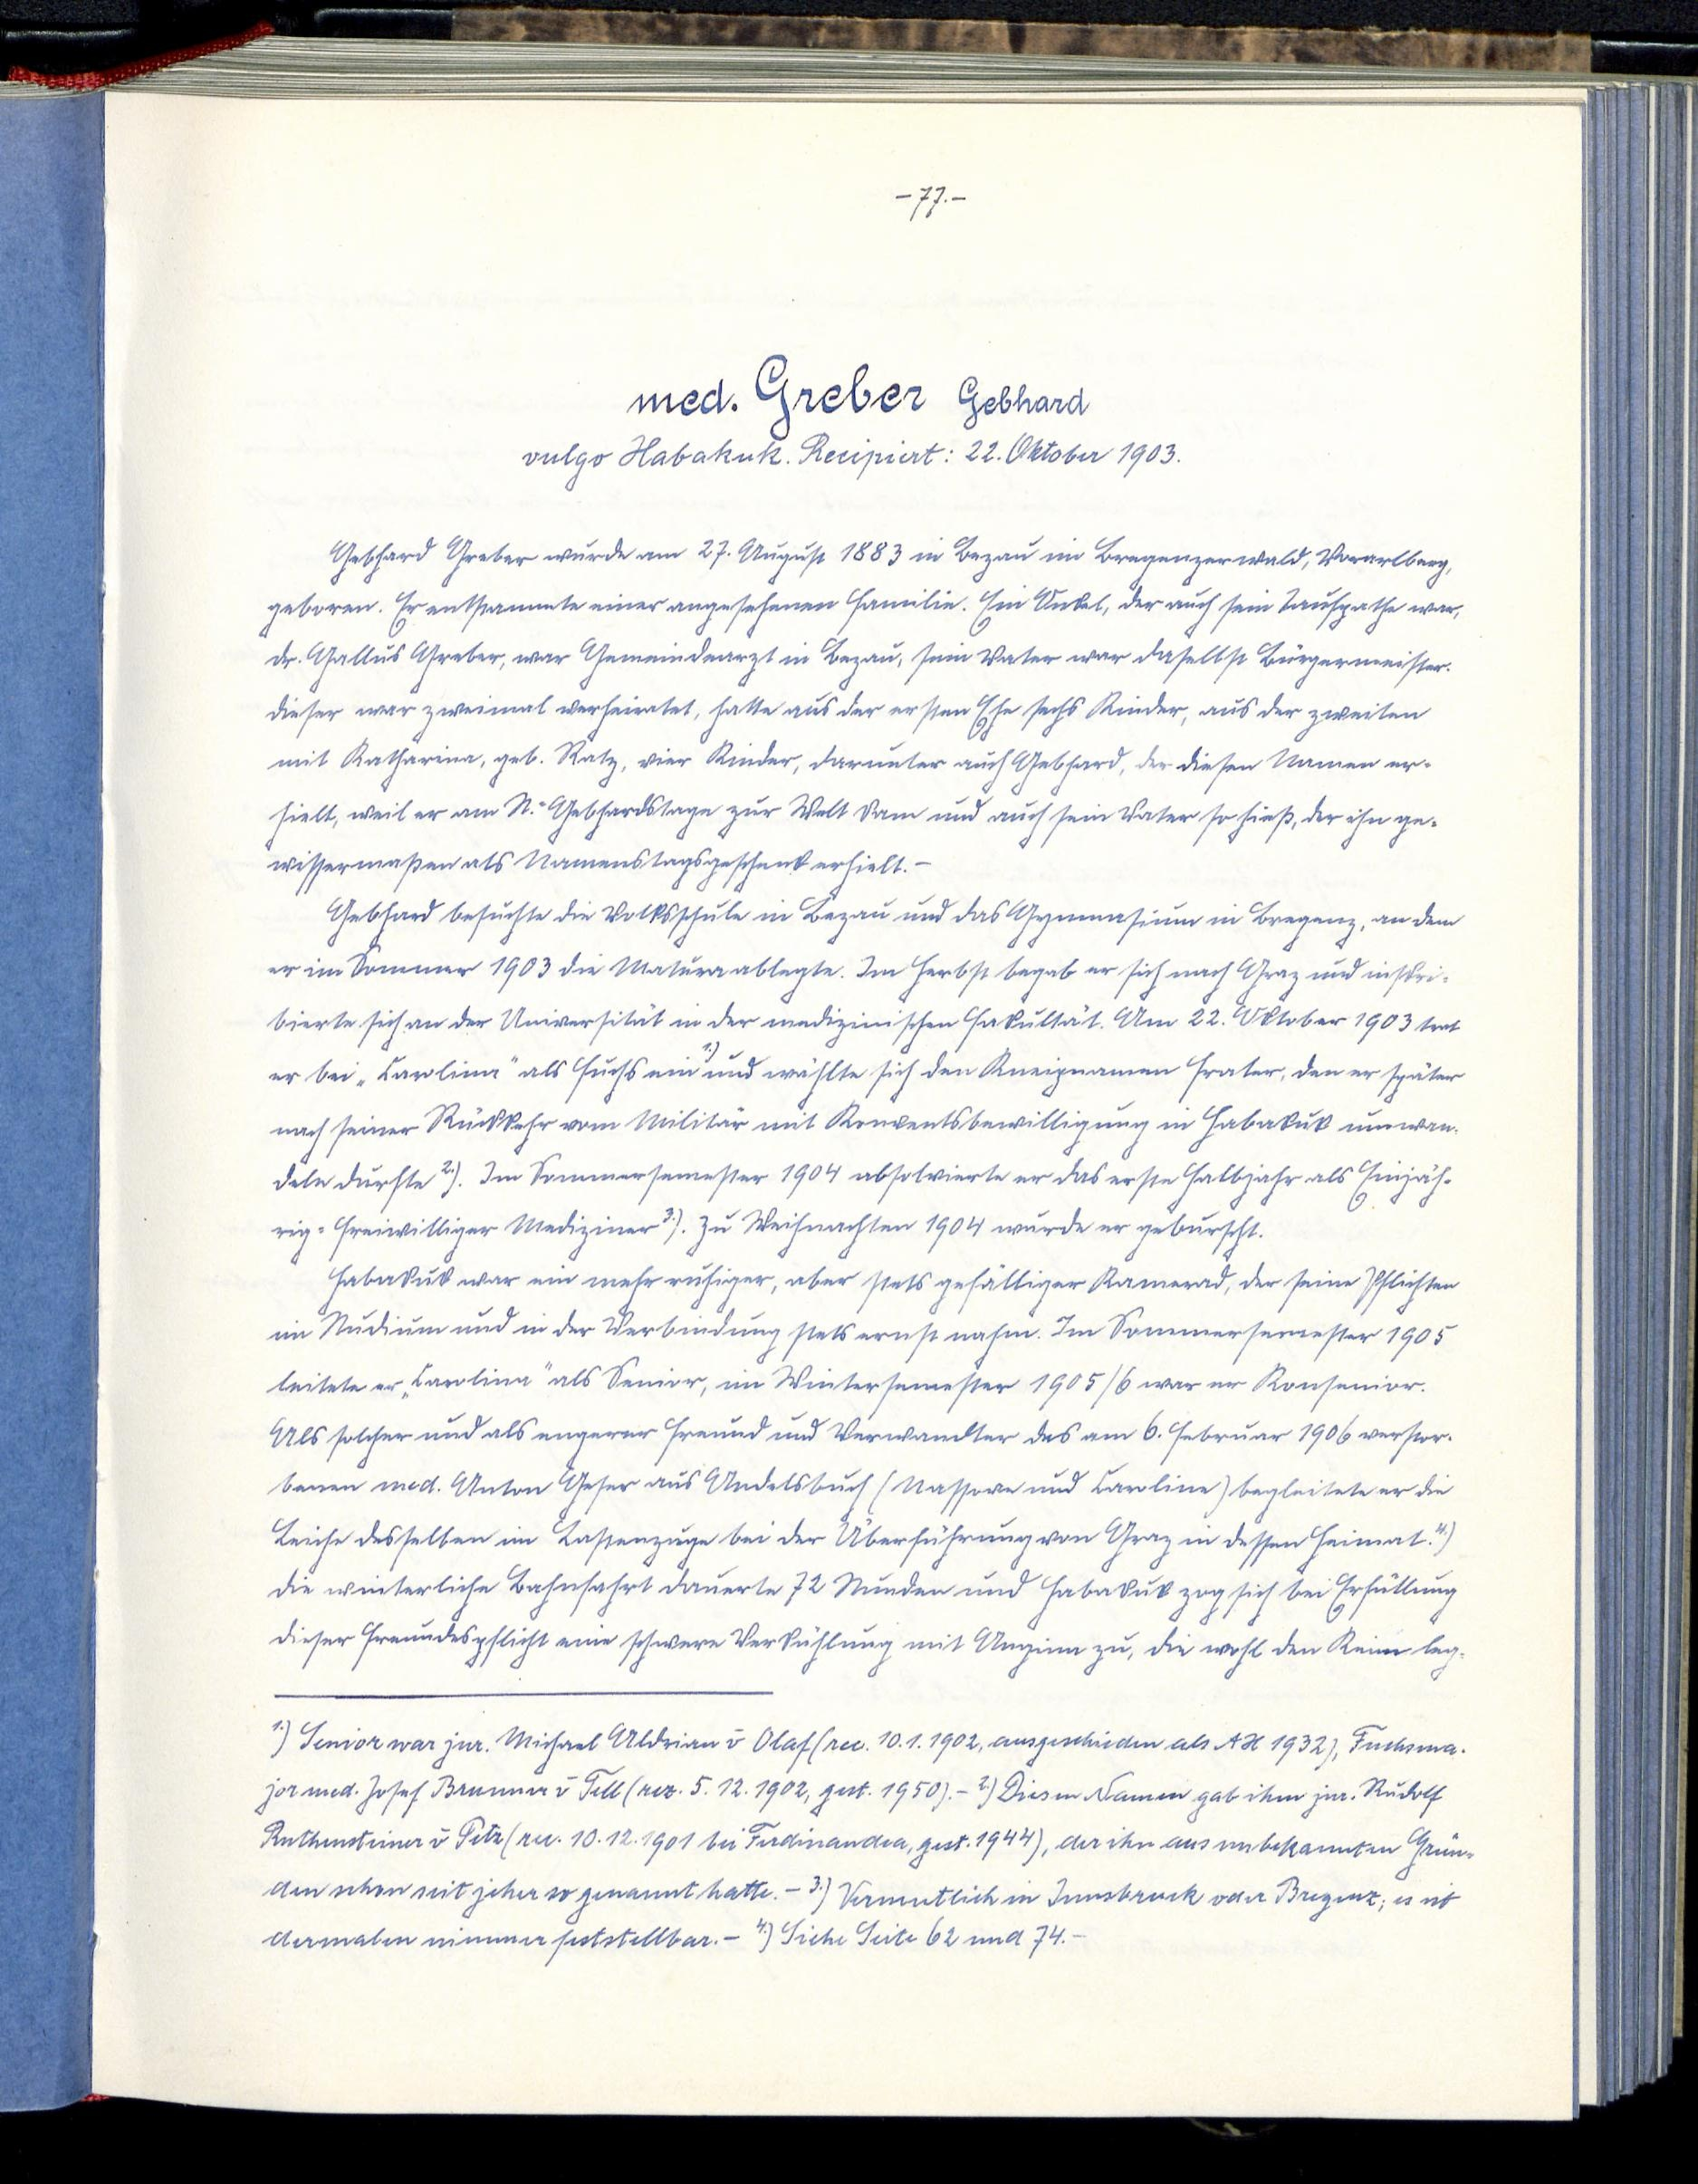77
med. Greber Gerhard
vulgo Habakuk. Recipiert:22. Oktober 1903.
Gebhard Greber wurde am 27. August 1883 in Bezau im Bregenzerwald, Vorarlberg,
geboren. Er entstammte einer angesehenen Familie. Ein Onkel, der auch sein Taufpate war,
Dr. Gallus Greber, war Gemeindearzt in Bezau, sein Vater war da selbst Bürgermeister.
Dieser war zweimal verheiratet, hat aus der ersten Ehe sechs Kinder, aus der zweiten
mit Katharina geb. Ratz, vier Kinder, darunter auch Gebhard, der diesen Namen er-
hielt, weil er am St. Gebhardstag zur Welt kam und auch sein Vater sohieß, der ihn ge-
wissermaßen als Namenstagsgeschenk erhielt.-
Gebhard besuchte die Volksschule in Bezau, das Gymnasium in Bregenz, an dem
er im Sommer 1903 die Matura ablegte. Im Herbst begab es sich nach Graz und inskri-
bierte sich an der Universität in der medizinischen Fakultät. Am 22. Oktober 1903 trat
er bei „Carolina“ als Fuchs ein 1) und wählte den Kneipnamen Frater, den er später
nach seiner Rückkehr vom Militär mit Konventsbewilligung in Habakuk umwan-
deln durfte. Im Sommersemester 1904 absolvierte er das erste Halbjahr als Einjäh-
rig-freiwilliger Mediziner 3). Zu Weihnachten 1904 wurde er geburscht.
Habakuk war ein mehr ruhiger, aber stets gefälliger Kamerad, seine Pflichten
im Studium und in der Verbindung stets ernst nahm. Im Sommersemester 1905
leitete er „Carolina“ als Senior, im Wintersemester 1905/6 war er Konsenior.
Als solcher und als enger Freund und Verwandter des am 6. Februar 1906 verstor-
benen med. Anton Geser aus Andelsbuch (Nassowia und Carolina) begleitete er die
Leiche desselben im Lastenzuge bei der Überführung von Graz in dessen Heimat 4).
Die winterliche Bahnfahrt dauerte 72 Stunden und Habakuk zog sich bei Erfüllung
diese Freundespflicht eine schwere Verkündung mit Angina zu, die wohl den Keim leg-
1) Senior war jur. Michael Aldrian v/o Olaf (rec. 10.1.1902, ausgeschieden als AH 1932), Fuchsma-
jor Med. Josef Brunner v/o Tell (rez. 5. 12. 1902, gest. 1950).- 2) Diesen Namen gab ihm jur. Rudolf
Steiner v/o Petz (rec. 10.12.1901 bei Ferdinandea, gest. 1944), der ihn aus unbekannten Grün-
den schon seit jeher genannt hatte.- 3) Vermutlich in Innsbruck oder Bregenz; es ist
dermalen nimmer feststellbar.- 4) Siehe Seite 62 und 74.